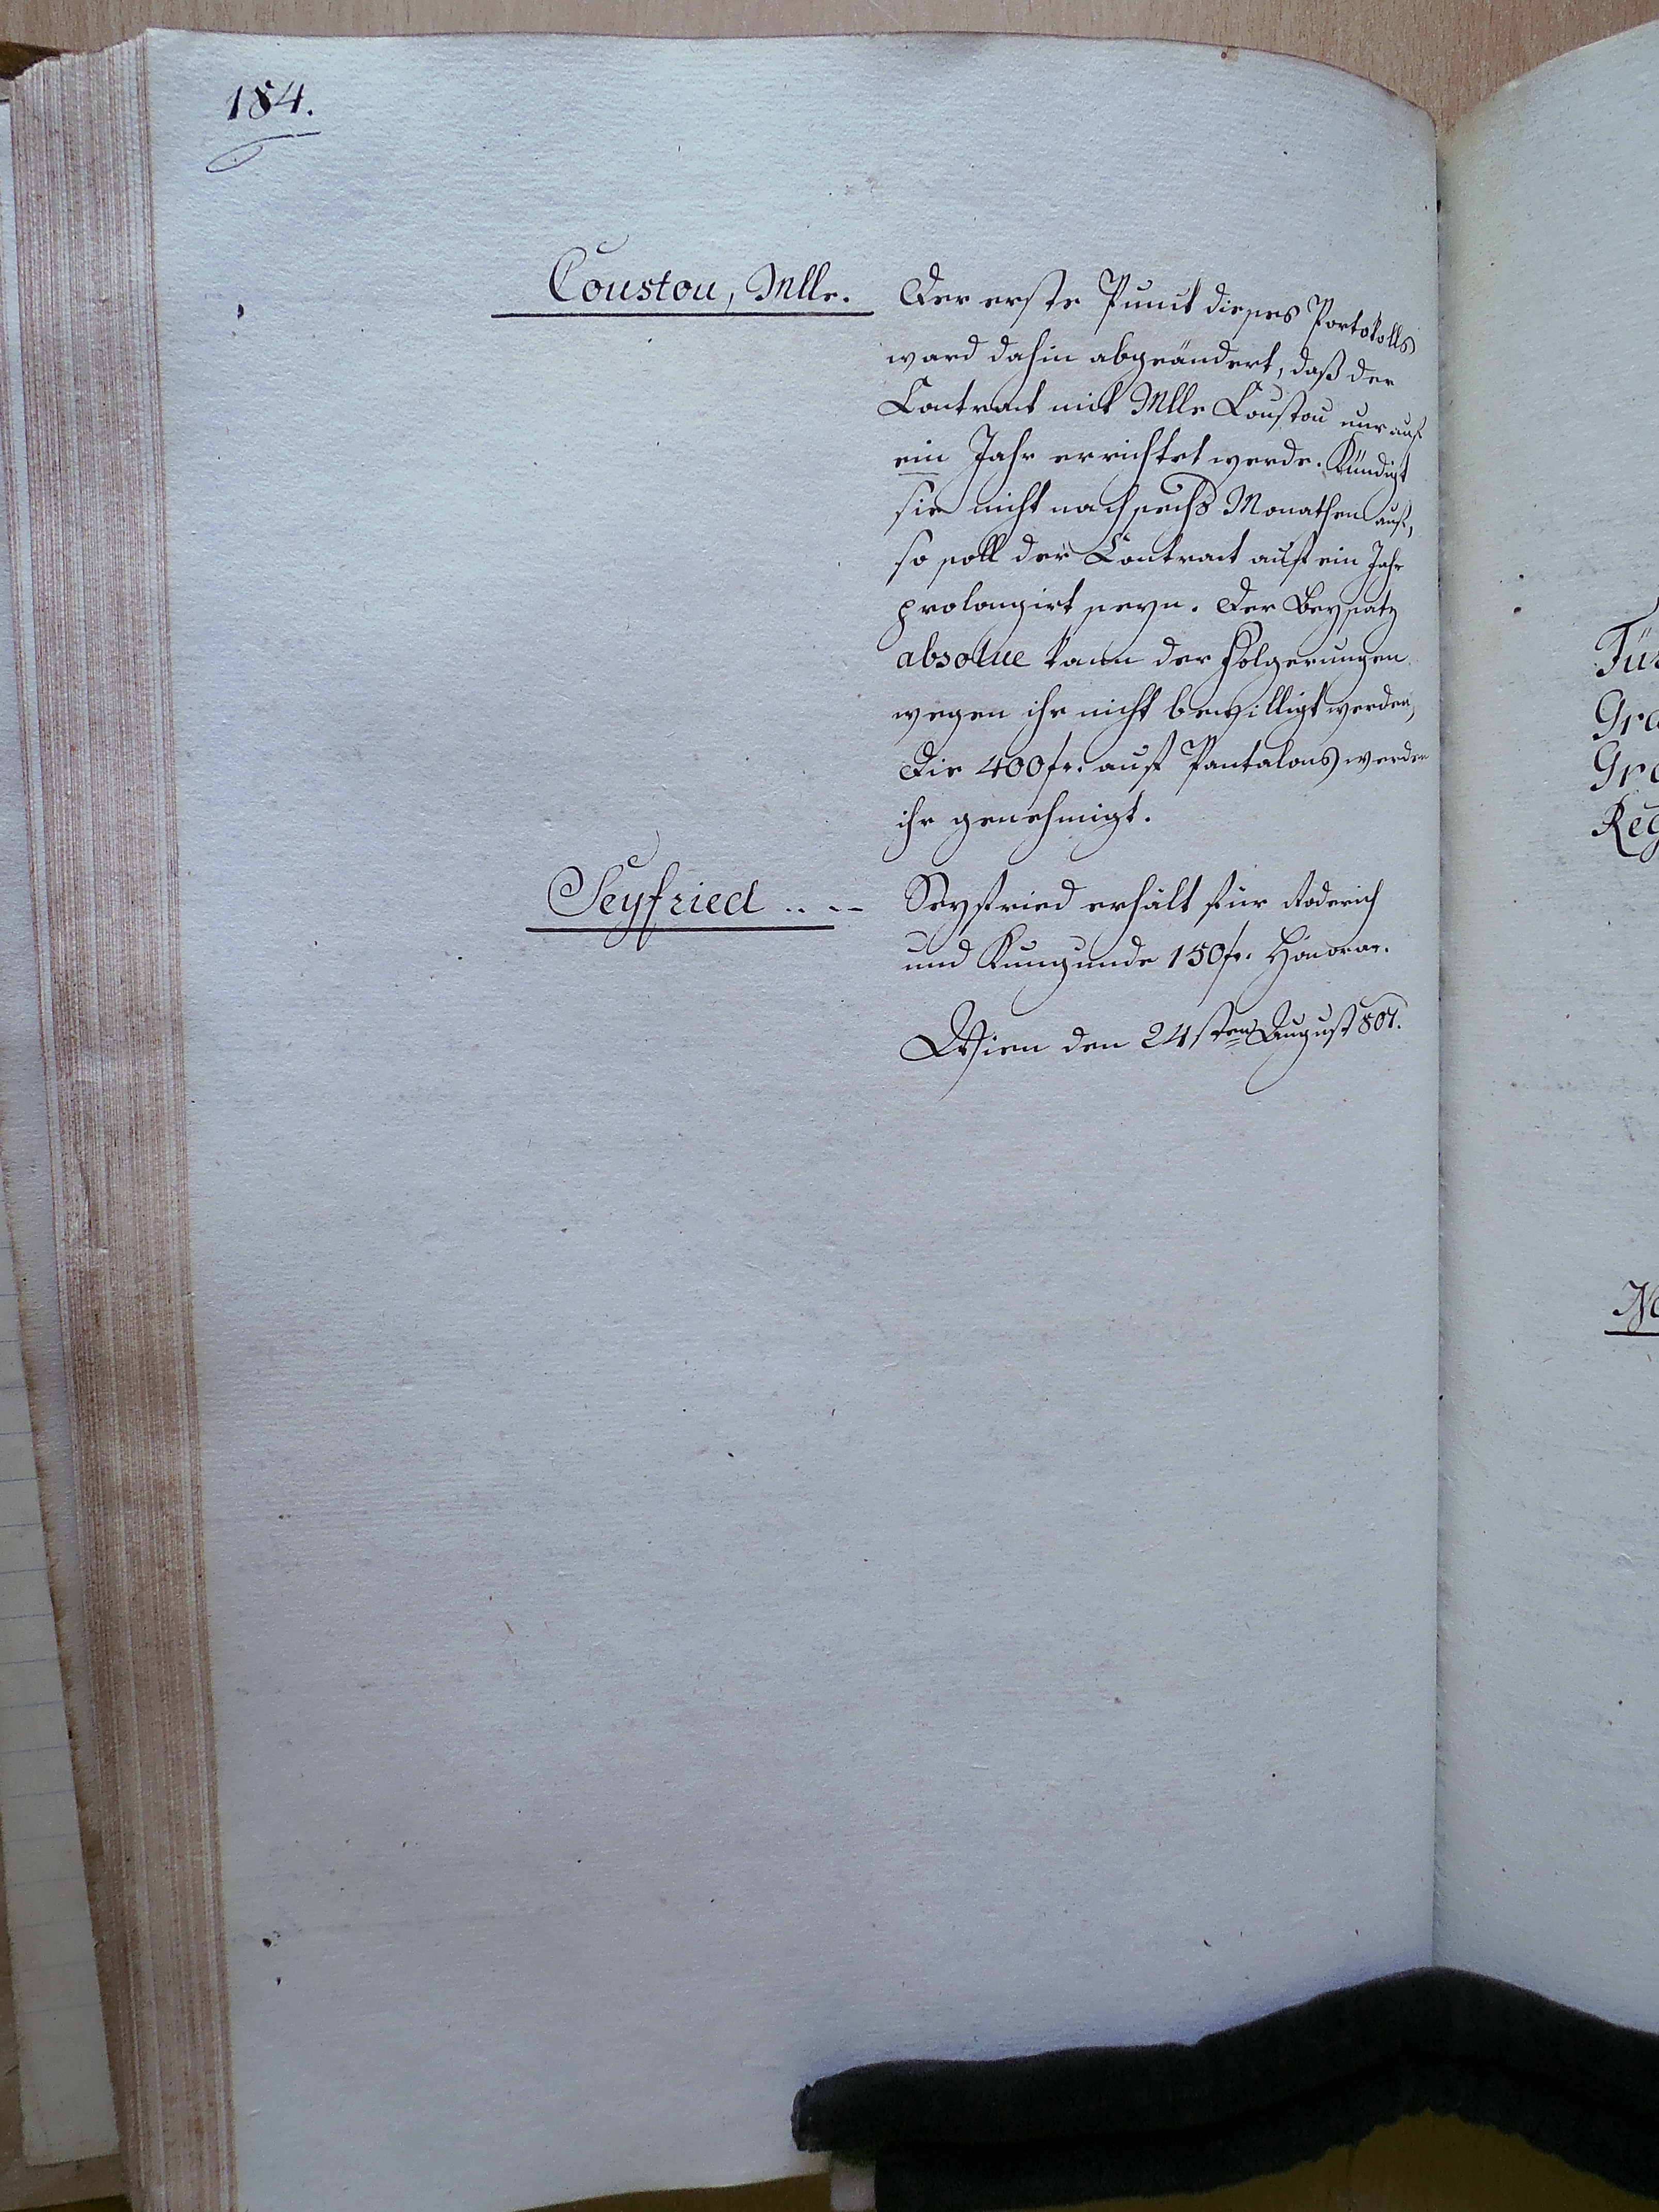184.
Coustou, Mlle. Der erste Punct dieses Portokolls
ward dahin abgeändert, daß der
Contract mit Mlle Coustou nur auf
ein Jahr errichtet werde. Kündigt
sie nicht nach sechs Monathen auf,
so soll der Contract auf ein Jahr
prolongirt seyn. Der Beysatz
absolue kann der Folgerungen
wegen ihr nicht bewilligt werden,
Die 400fr. auf Pantalons werden
ihr genehmigt.
Seyfried .. .. .. Seyfried erhält für Roderich
und Kungunde 150fr. Honorar.
Wien den 24ste͇n August 8͞0͞7.